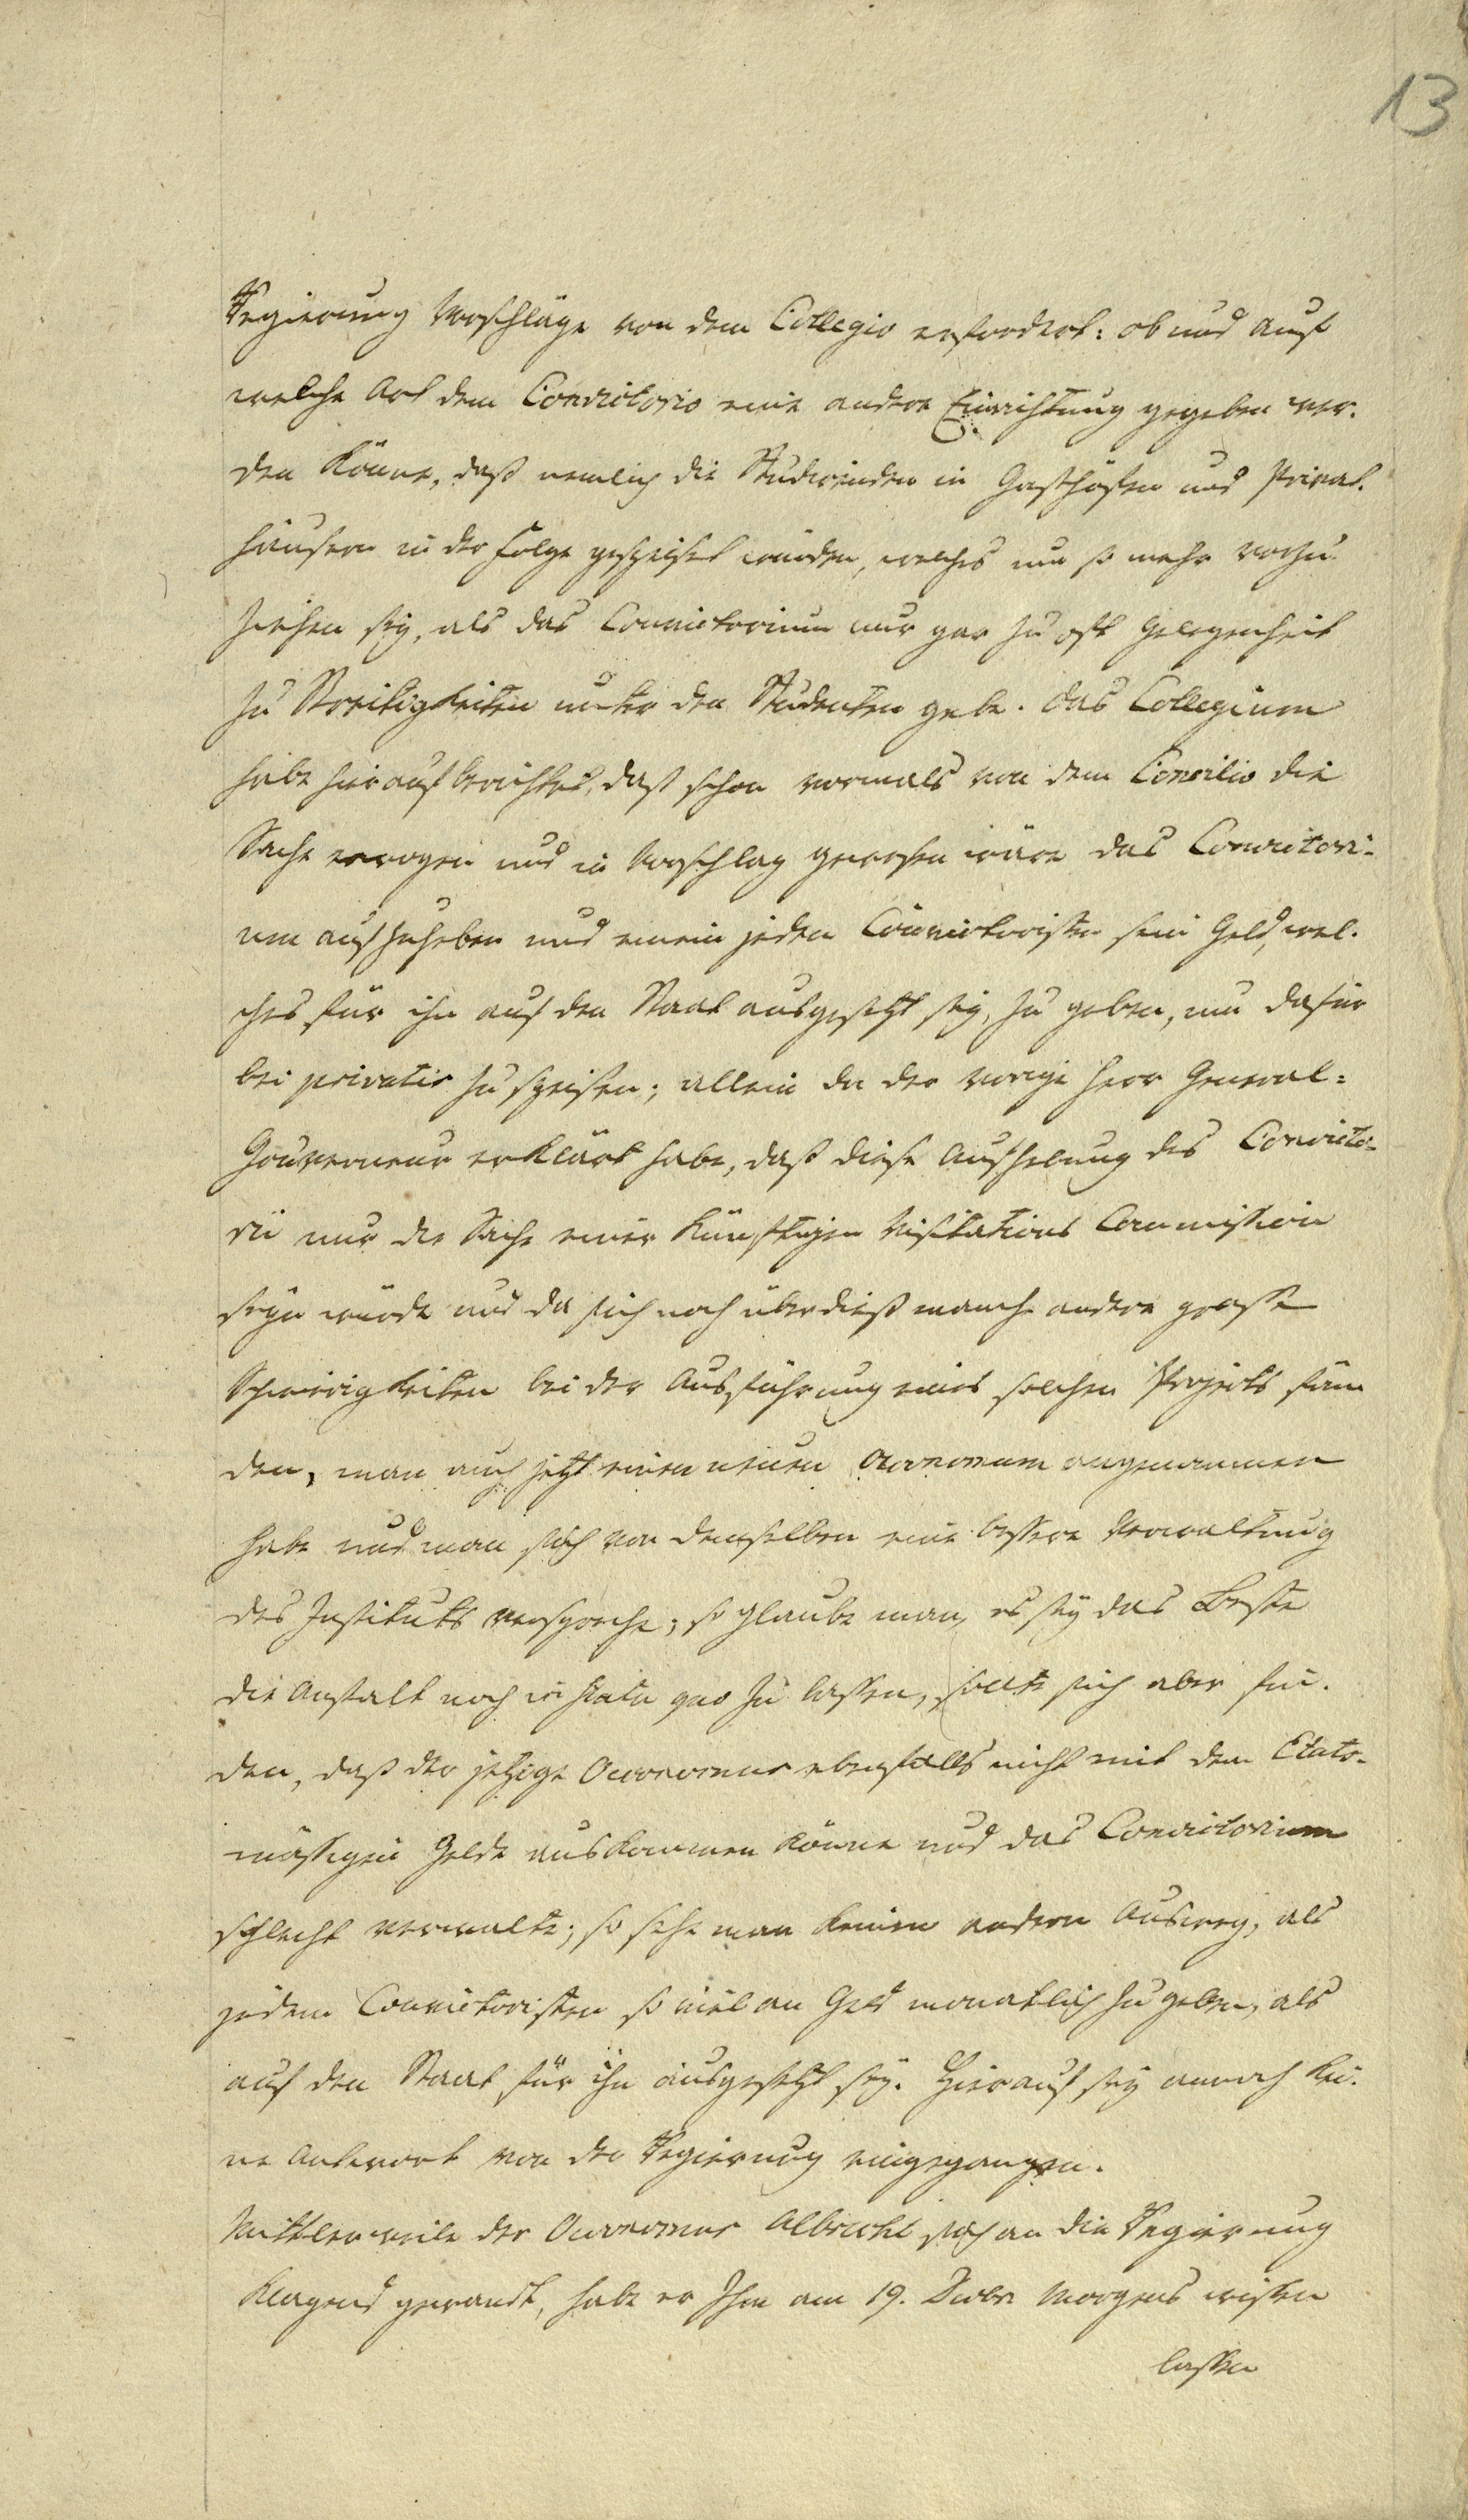Regierung Vorschläge von dem Collegio erfordert: ob und auf
welche Art dem Convictorio eine andere Einrichtung gegeben wer¬
den könne, daß nemlich die Studirenden in Gasthöfen und Privat¬
häusern in der Folge gespeiset würden, welches um so mehr vorzu¬
ziehen seÿ, als das Convictorium nur gar zu oft Gelegenheit
zu Streitigkeiten unter den Studenten gebe. Das Collegium
habe hierauf berichtet, daß schon vormals von dem Concilio die
Sache erwogen und in Vorschlag gewesen wäre das Convictori¬
um aufzuheben und einem jeden Convictoristen sein Geld, wel¬
ches für ihn auf den Staat ausgesetzt seÿ, zu geben, um dafür
bei privatis zu speisen; allein da der vorige Herr General-
Gouverneur erklärt habe, daß diese Aufhebung des Convicto¬
rii nur die Sache einer künftigen Visitations Commission
seÿn würde und da sich noch über dies manche andere grosse
Schwierigkeiten bei der Ausführung eines solchen Projects fän¬
den, man auch jetzt einen neuen Oeconom angenommen
habe und man sich von demselben eine bessere Verwaltung
des Instituts verspreche, so glaube man es seÿ das Beste
die Anstalt noch in statu quo zu lassen, sollte sich aber fin¬
den, daß der jetzige Oeconomus ebenfalls nicht mit dem Etats¬
mässigen Gelde auskommen könne und das Convictorium
schlecht verwalte; so sehe man keinen andern Ausweg, als
jedem Convictoristen so viel an Geld monatlich zu geben, als
auf den Staat für ihn ausgesetzt seÿ. Hierauf seÿ annoch kei¬
ne Antwort von der Regierung eingegangen.
Mittlerweile der Oeconomus Albrecht sich an die Regierung
klagend gewandt, habe er Ihm am 19. Decbr. Morgens wissen
lassen